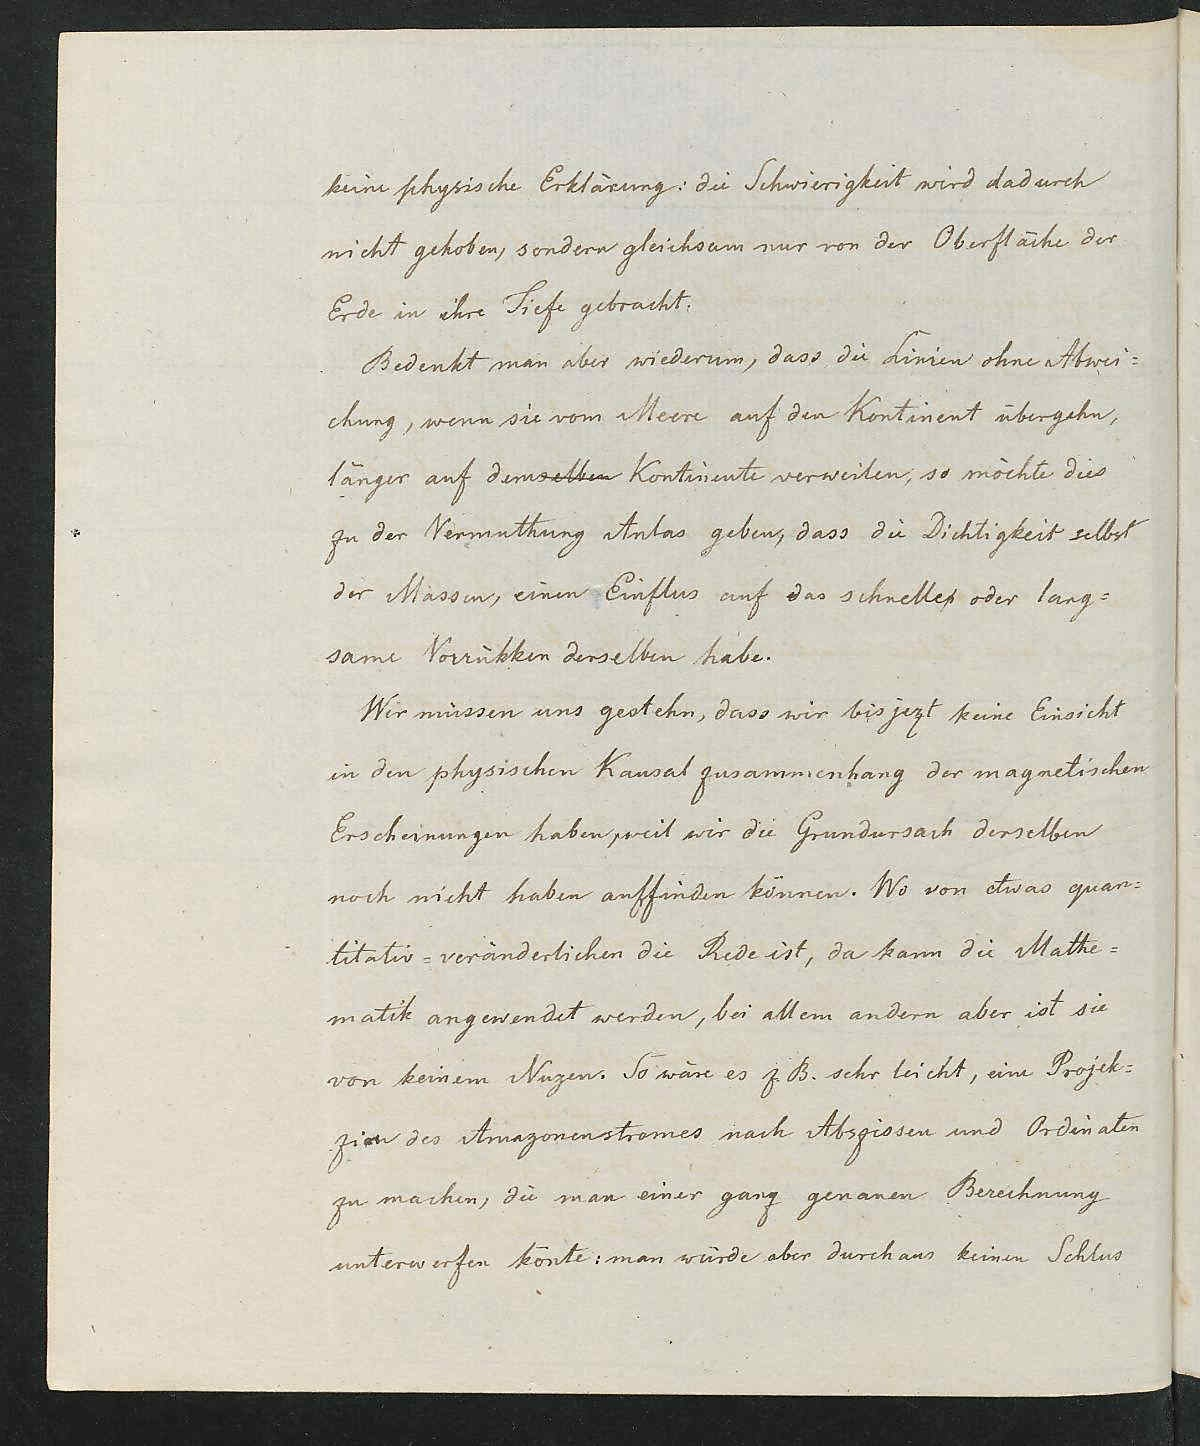keine physische Erklärung: die Schwierigkeit wird dadurch
nicht gehoben, sondern gleichsam nur von der Oberfläche der
Erde in ihre Tiefe gebracht.
Bedenkt man aber wiederum, dass die Linien ohne Abwei-
chung, wenn sie vom Meere auf den Kontinent übergehn,
länger auf demselben Kontinente verweilen, so möchte dies
zu der Vermuthung Anlas geben, dass die Dichtigkeit selbst
der Massen, einen Einflus auf das schnelles oder lang-
same Vorrükken derselben habe.
Wir müssen uns gestehn, dass wir bis jezt keine Einsicht
in den physischen Kausalzusammenhang der magnetischen
Erscheinungen haben, weil wir die Grundursach derselben
noch nicht haben auffinden können. Wo von etwas quan-
titativ-veränderlichen die Rede ist, da kann die Mathe-
matik angewendet werden, bei allem andern aber ist sie
von keinem Nuzen. So wäre es z. B. sehr leicht, eine Projek-
zion des Amazonenstromes nach Abszissen und Ordinaten
zu machen, die man einer ganz genauen Berechnung
unterwerfen könte: man würde aber durchaus keinen Schlus